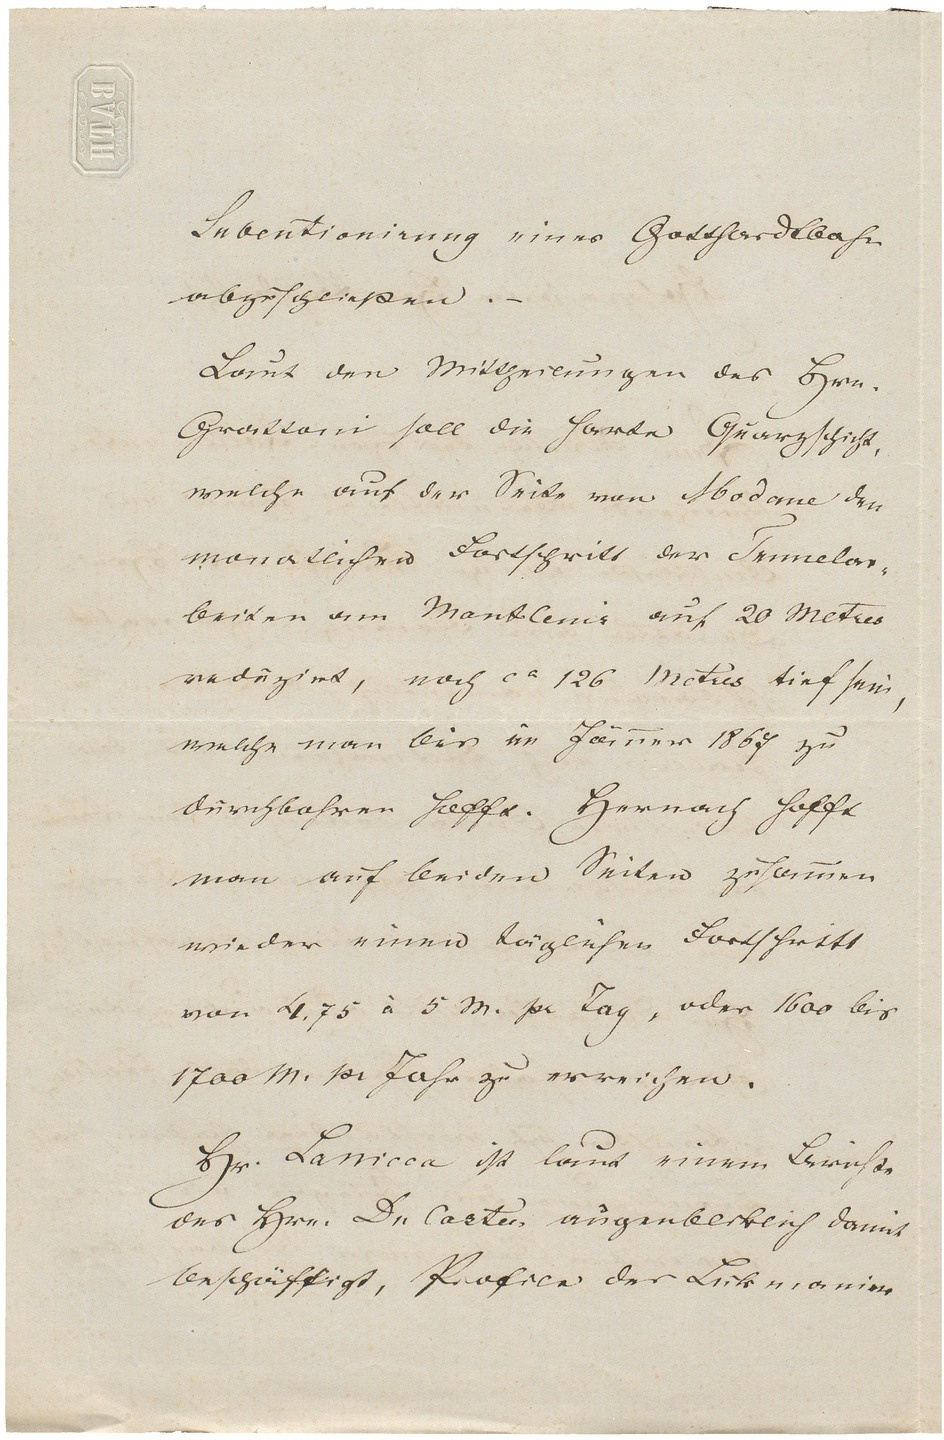Subventionirung einer Gotthardtbahn
abzuschließen. –
Laut den Mittheilungen des Hrn.
Grattoni soll die harte Quarzschicht,
welche auf der Seite von Modane den
monatlichen Fortschritt der Tunnelar-
beiten am Mont Cenis auf 20 Metres
reduzirt, noch ca 126 Metres tief sein,
welche man bis im Jänner 1867 zu
durchbohren hofft. Hernach hofft
man auf beiden Seiten zusammen
wieder einen täglichen Fortschritt
von 4.75 à 5 M. pr Tag, oder 1600 bis
1700 M. pr Jahr zu erreichen.
Hr. Lanicca ist laut einem Berichte
des Hrn. Du Coster augenblicklich damit
beschäftigt, Profile des Lukmanier